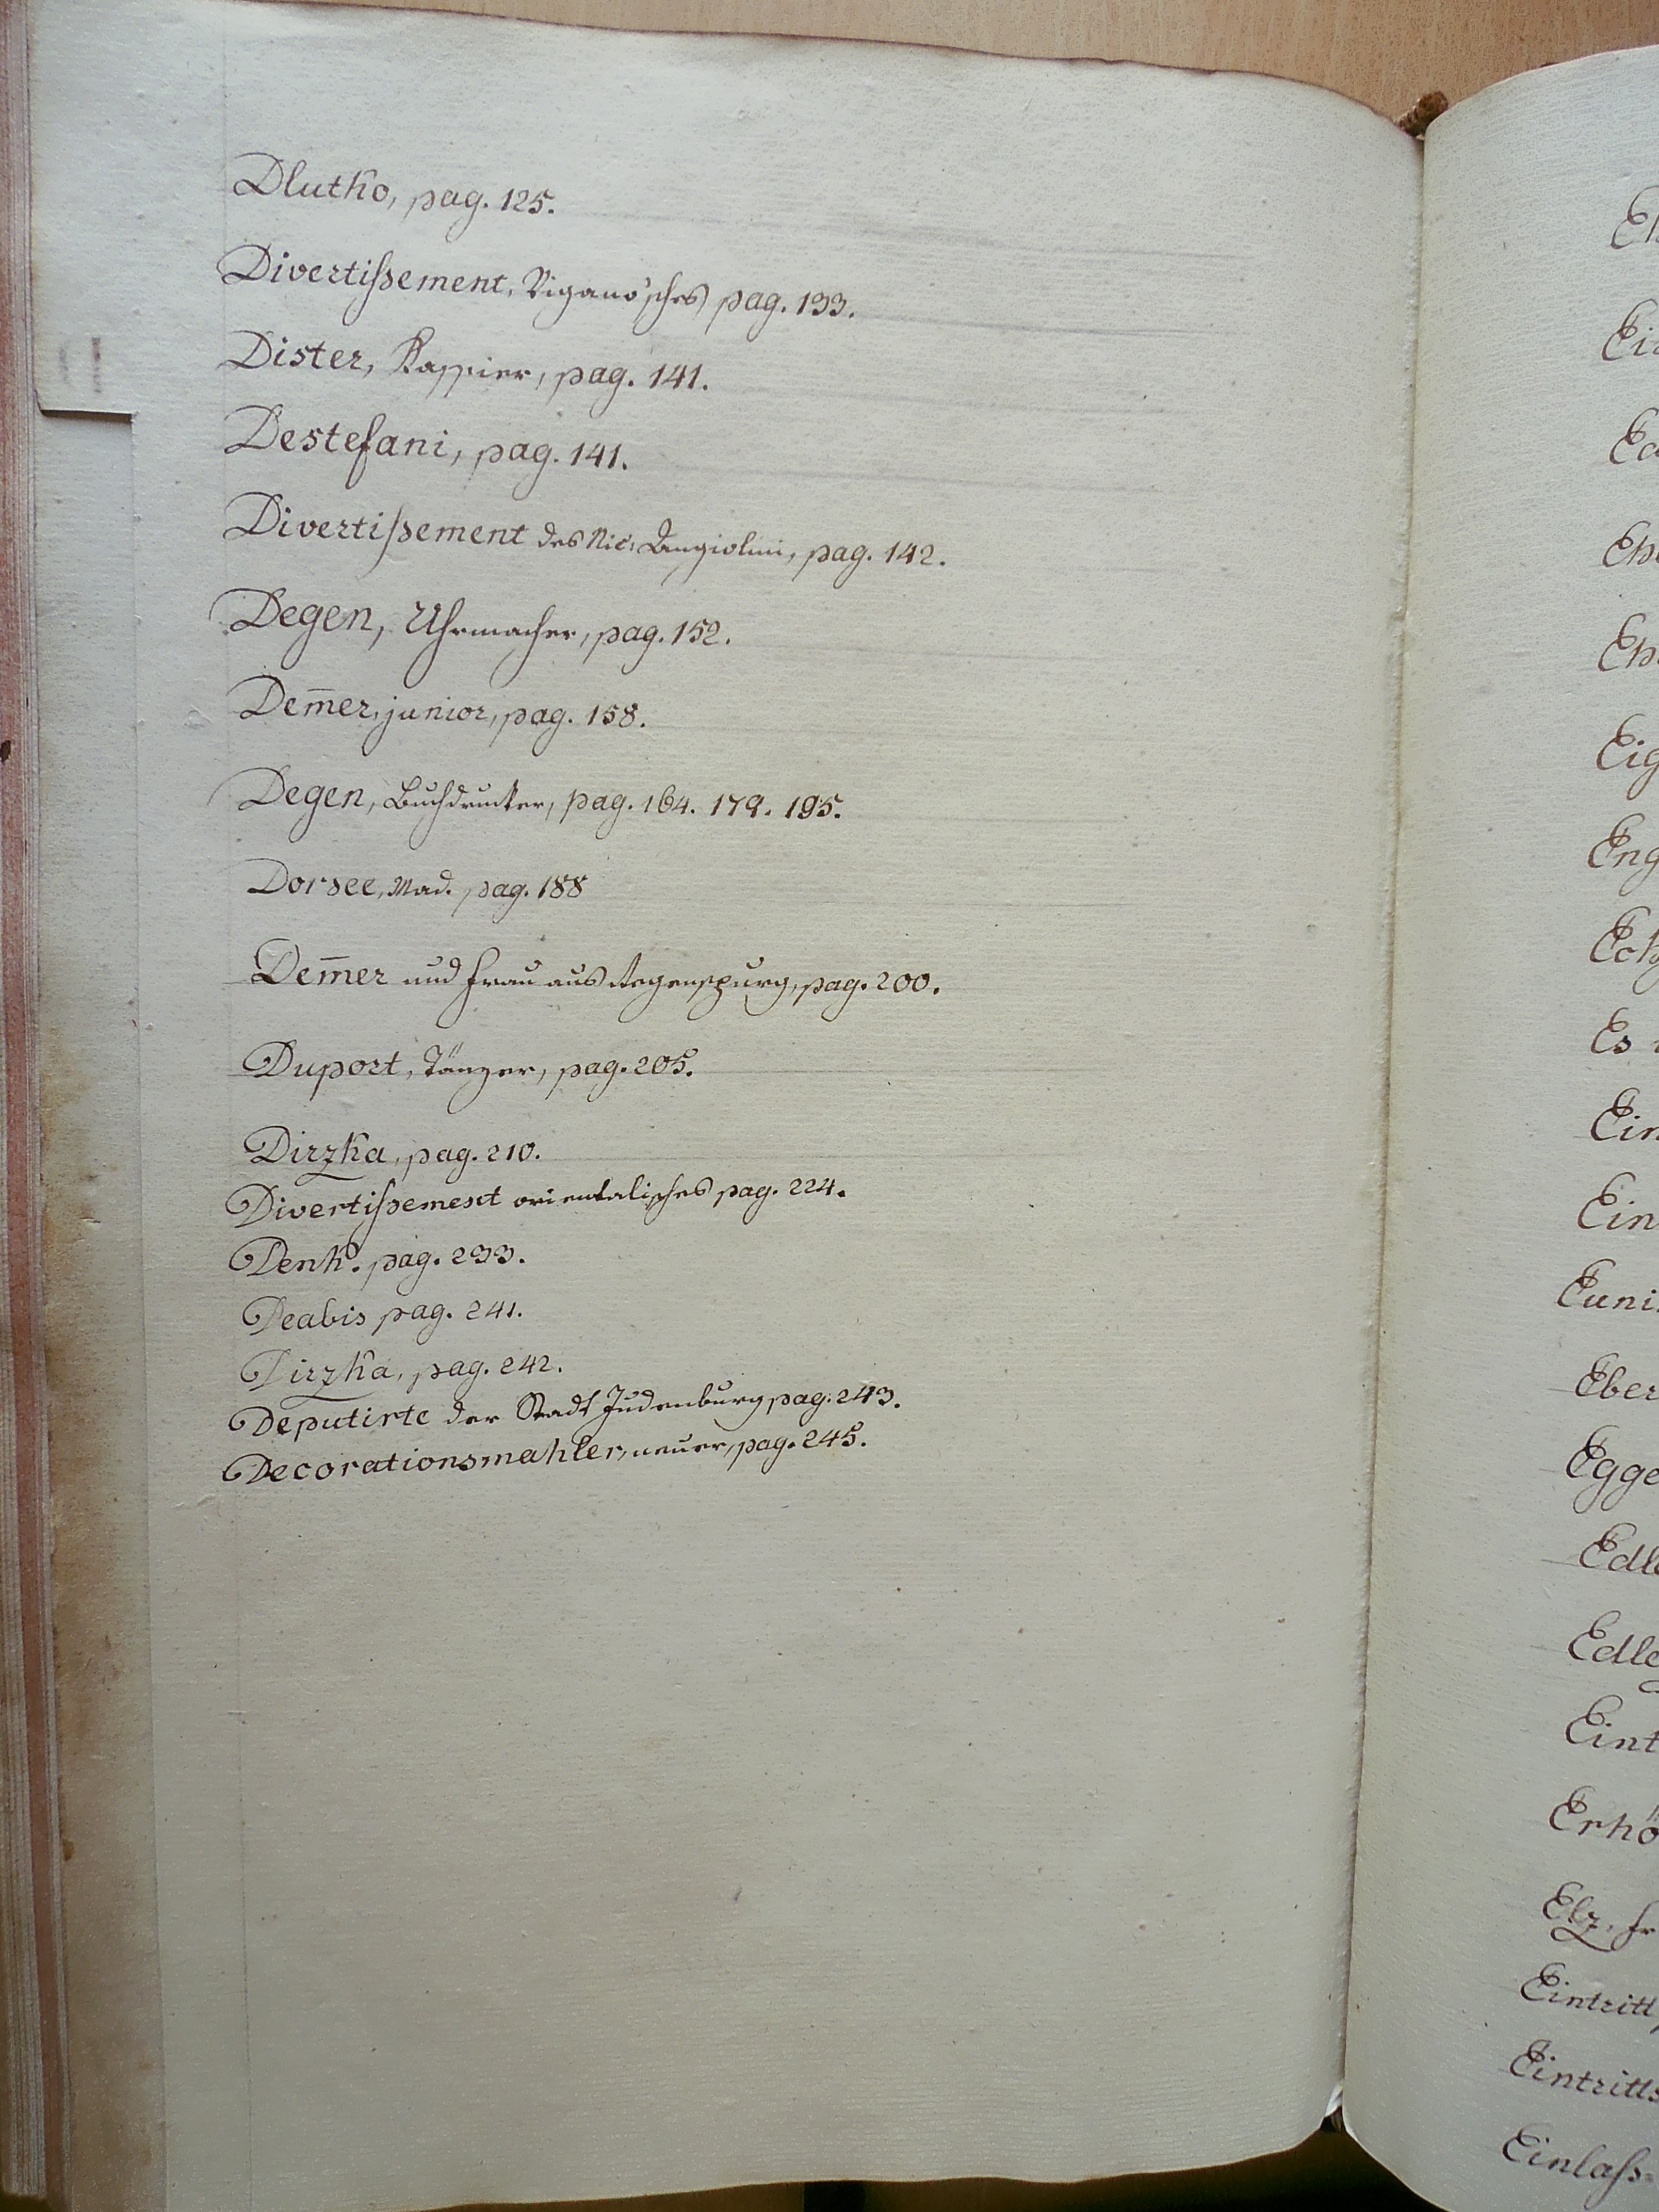Dlutko, pag. 125.
Divertissement, Vigano'sches pag. 133.
Dister, Kassier, pag. 141.
Destefani, pag. 141.
Divertissement des Nic. Angiolini, pag. 142.
Degen, Uhrmacher, pag. 152.
Dem̅er, junior, pag. 158.
Degen, Buchdrucker, pag. 164. 179. 195.
Dorsee, Mad. pag. 188
Dem̅er und Frau aus Regenspurg, pag. 200.
Duport, Tänzer, pag. 205.
Dirzka, pag. 210.
Divertissement orientalisches pag. 224.
Denk, pag. 233.
Deabis pag. 241.
Dirzka, pag. 242.
Deputirte der Sadt Jundenburg pag. 243.
Decorationsmahler, neuer, pag. 245.